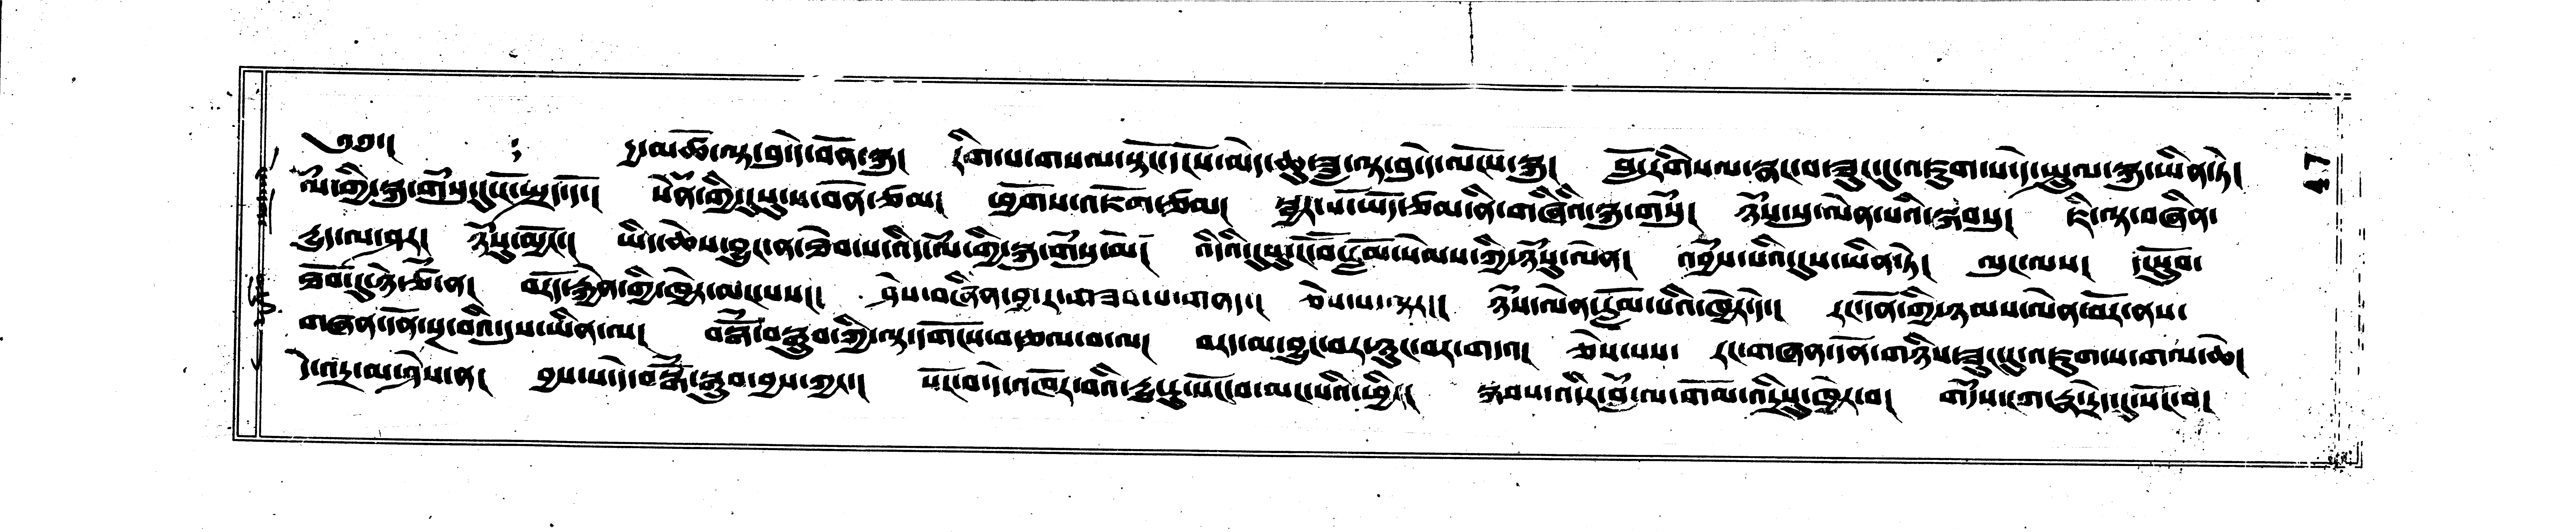རྒྱ་མཚོ་ལྟ་བུ་དེ་བོན་སྐུ། རིག་པ་གསལ་སྟོང་དངོས་མེད་ཆུ་ཟླ་ལྟ་བུ་དེ་ལོངས་སྐུ། བློ་རིག་གསལ་སྣང་བ་ཟུང་དུ་འཇུག་པ་དེ་སྤྲུལ་སྐུ་ཡིན་ཏེ། 
ལམ་གྱི་སྐུ་གསུམ་དུ་ངོ་སྤྲད་དོ། །སེམས་ཅན་གྱི་དུས་སུ་ས་བོན་ཙམ། ཕྱོགས་འཇོག་ཙམ། སྦྱར་སོ་ཡོད་ཙམ་ནི་གཞིའི་སྐུ་གསུམ། ཉམས་སུ་ལེན་པའི་སྐབས་སུ། ཇི་ལྟ་ཇི་བཞིན་
རྒྱུད་ལ་ཤར། ཉམས་སུ་མྱོང་། ཡིད་ཆེས་བྱུང་ན་ཐོབ་པ་འདི་ལམ་གྱི་སྐུ་གསུམ་མོ། འདིའི་དུས་སུ་ངོ་བོ་རློམ་སེམས་ཀྱིས་ཉམས་སུ་ལེན། འབྱམས་པའི་དུས་ཡིན་ཏེ། ལུང་ལས། དངོས་གྲུབ་
ཐོབ་ཏུ་ཉེ་ཙམ་ན། །བར་ཆོད་རྐྱེན་གྱིས་ཁྱེར་མང་བས། །ཤེས་བཞིན་བྱ་ར་གཟབ་པ་གནད། །ཅེས་པ་ལྟར། ཉམས་ལེན་རློམ་པའི་ཁྱེར་དེ། རང་དོན་གྱི་ཉམས་ལེན་བོར་ནས། 
གཞན་དོན་སྔ་བའི་དུས་ཡིན་ལ། སྒོམ་སྒྲུབ་ཀྱི་ལྟ་དགོངས་བཙལ་བ་ལ། བར་ཆད་མ་བྱུང་བར་ཉུང་བར་གདའ། ཅེས་པས། རང་གཞན་དོན་གཉིས་ཟུང་དུ་འཇུག་པ་གལ་ཆེ། 
དེ་འདྲ་མ་ཤེས་ན། བྱས་པ་དེ་སྒོམ་སྒྲུབ་བྱས་ཀྱང་། སོང་བ་དེ་འཁོར་བའི་རྒྱུ་རུ་སོང་བ་མང་བའི་ཕྱིར། སྐབས་འདིར་བླ་མ་གོམས་འདྲིས་སུ་ཁྱེར་བ། གདམས་ངག་རྣ་དྲེད་དུ་སོང་བ་